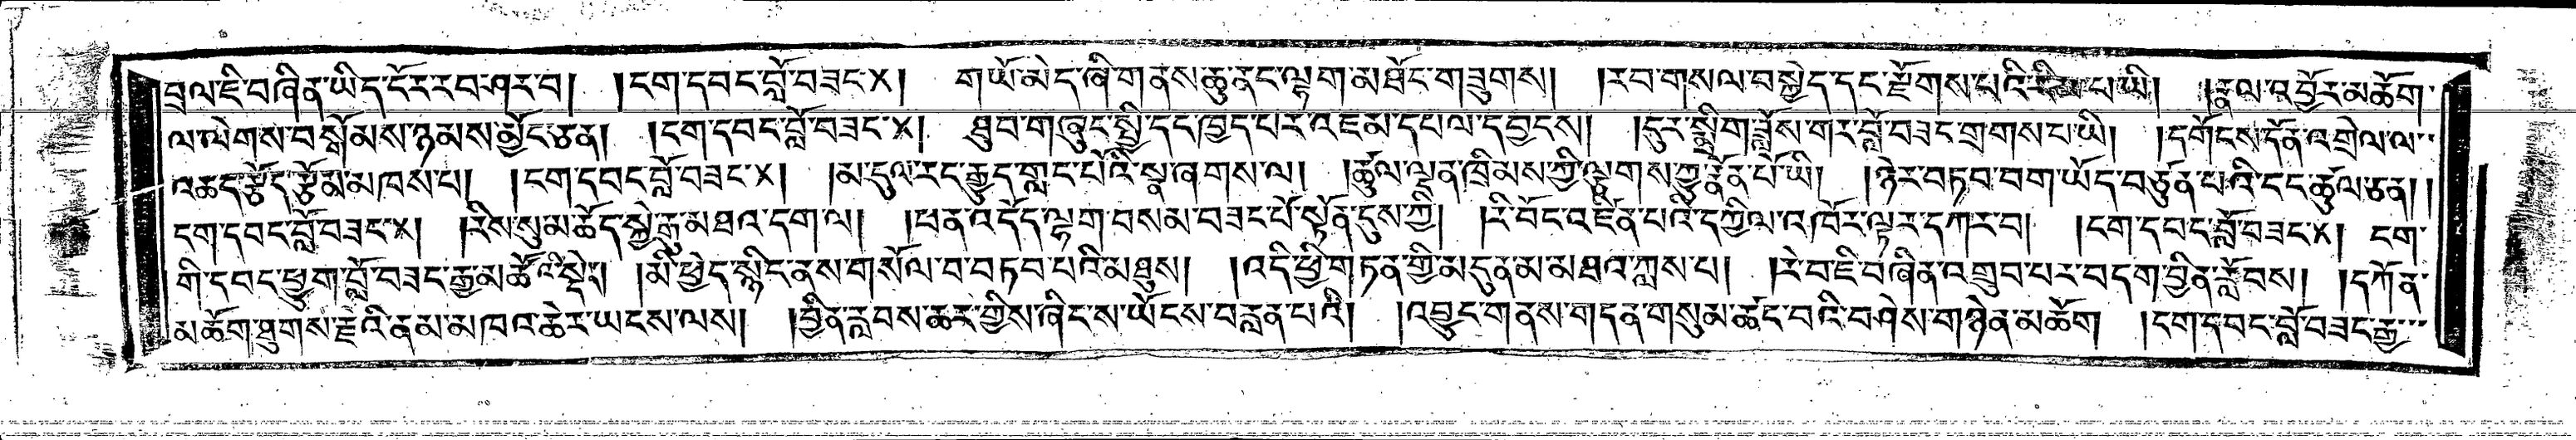བྲལ་ཇི་བཞིན་ཡིད་ངོར་རབ་ཤར་བ། །ངག་དབང་བློ་བཟང་{྾}། གཡོ་མེད་ཞི་གནས་ཆུ་ནང་ལྷག་མཐོང་གཟུགས། །རབ་གསལ་བསྐྱེད་དང་རྫོགས་པའི་རིམ་པ་ཡི། །རྣལ་འབྱོར་མཆོག་
ལ་ལེགས་བསྒོམས་ཉམས་མྱོང་ཅན། །ངག་དབང་བློ་བཟང་{྾}། ཐུབ་གཞུང་སྤྱི་དང་ཁྱད་པར་འཇམ་དཔལ་དབྱངས། །ངུར་སྨྲིག་ཟློས་གར་བློ་བཟང་གྲགས་པ་ཡི། །དགོངས་དོན་འགྲེལ་ལ་
འཆད་རྩོད་རྩོམ་མཁས་པ། །ངག་དབང་བློ་བཟང་{྾}། །མ་དུལ་རང་རྒྱུད་གླང་པོའི་སྣ་ཞགས་ལ། །ཚུལ་ལྡན་ཁྲིམས་ཀྱི་ལྕགས་ཀྱུ་རྣོན་པོ་ཡི། །ཉེར་བཏབ་བག་ཡོད་བཙུན་པའི་ངང་ཚུལ་ཅན། །
ངག་དབང་བློ་བཟང་{྾}། །རིས་སུ་མ་ཆོད་སྐྱེ་རྒུ་མཐའ་དག་ལ། །ཕན་འདོད་ལྷག་བསམ་བཟང་པོ་སྟོན་དུས་ཀྱི། །རི་བོང་འཛིན་པའི་དཀྱིལ་འཁོར་ལྟར་དཀར་བ། །ངག་དབང་བློ་བཟང་{྾}། །ངག་
གི་དབང་ཕྱུག་བློ་བཟང་རྒྱ་མཚོའི་སྡེར། །མི་ཕྱེད་སྙིང་ནས་གསོལ་བ་བཏབ་པའི་མཐུས། །འདི་ཕྱི་གཏན་གྱི་མདུན་མ་མཐའ་ཀླས་པ། །རི་བ་ཇི་བཞིན་འགྲུབ་པར་བདག་བྱིན་རློབས། །དཀོན་
མཆོག་ཐུགས་རྗེའི་ནམ་མཁའ་ཆེར་ཡངས་ལས། །བྱིན་རླབས་ཆར་གྱིས་ཞིང་ས་ཡོངས་བརླན་པའི། །འབྱུང་གནས་གདན་གསུམ་ཚང་བའི་བཤེས་གཉེན་མཆོག །ངག་དབང་བློ་བཟང་རྒྱ་